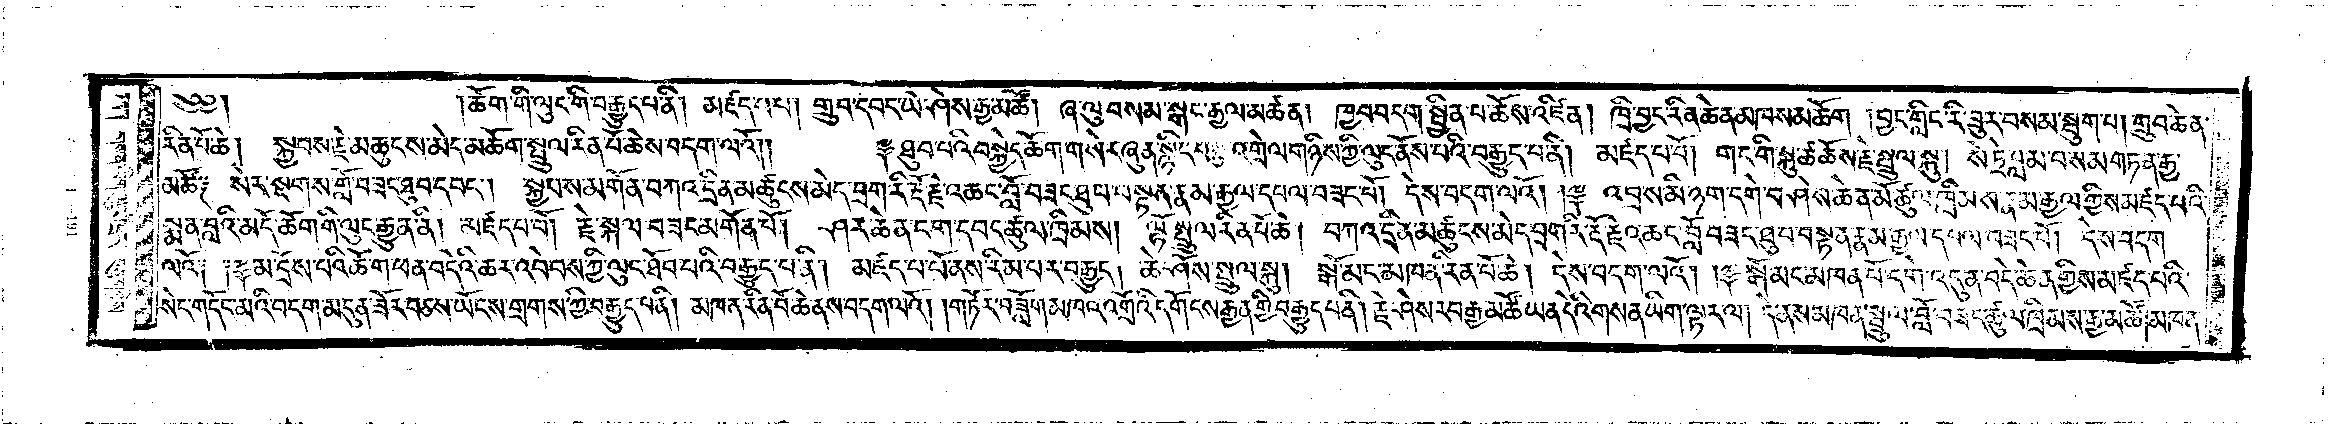༄༅། །ཆོག་གི་ལུང་གི་བརྒྱུད་པ་ནི། མཛད་པ་པོ། གྲུབ་དབང་ཡེ་ཤེས་རྒྱ་མཚོ། ཞ་ལུ་བསམ་སྒང་རྒྱལ་མཚན། ཁྱབ་བདག་སྦྱིན་པ་ཆོས་འཛིན། ཁྲི་བྱང་རིན་ཆེན་མཁས་མཆོག །བྱང་གླིང་རི་ཟུར་བསམ་སྦུག་པ། གྲུབ་ཆེན་
རིན་པོ་ཆེ། སྐྱབས་རྗེ་མཚུངས་མེད་མཆོག་སྤྲུལ་རིན་པོ་ཆེས་བདག་ལའོ།། ༈ ཐུབ་པའི་བསྐྱེད་ཆོག་གསེར་ཞུན་སྙིང་བརྩ་འགྲེལ་གཉིས་ཀྱི་ལུང་ནོས་པའི་བརྒྱུད་པ་ནི། མཛད་པ་པོ། གང་གི་སྐུ་ཚ་ཆོས་རྗེ་སྤྲུལ་སྐུ། སེཏྲེ་བླ་མ་བསམ་གཏན་རྒྱ་
མཚོ༑ སེར་སྔགས་གློ་བཟང་ཐུབ་དབང་། སྐྱབས་མགོན་བཀའ་དྲིན་མཚུངས་མེད་བྲག་རི་རྡོ་རྗེ་འཆང་བློ་བཟང་ཐུབ་བསྟན་རྣམ་རྒྱལ་དཔལ་བཟང་པོ། དེས་བདག་ལའོ། ། ༈ འབྲས་མི་ཉག་དགེ་བཤེས་ཆེན་མོ་ཚུལ་ཁྲིམས་རྣམ་རྒྱལ་གྱིས་མཛད་པའི་
སྨན་བླའི་མདོ་ཆོག་གི་ལུང་རྒྱུན་ནི། མཛད་པ་པོ། རྗེ་སྐལ་བཟང་མགོན་པོ། ཤར་ཆེན་ངག་དབང་ཚུལ་ཁྲིམས། ལྷོ་སྤྲུལ་རིན་པོ་ཆེ། བཀའ་དྲིན་མཚུངས་མེད་བྲག་རི་རྡོ་རྗེ་འཆང་བློ་བཟང་ཐུབ་བསྟན་རྣམ་རྒྱལ་དཔལ་བཟང་པོ། དེས་བདག་
ལའོ༑ ༑ ༈ མ་དྲོས་པའི་ཆོ་ག་ཕན་བདེའི་ཆར་འབེབས་ཀྱི་ལུང་ཐོབ་པའི་བརྒྱུད་པ་ནི། མཛད་པ་པོ་ནས་རིམ་པར་བརྒྱུད། ཆེ་ཤོས་སྤྲུལ་སྐུ། སྒོ་མང་མཁན་རིན་པོ་ཆེ། དེས་བདག་ལའོ། ། ༈ སྒོ་མང་མཁན་པོ་དགེ་འདུན་བདེ་ཆེན་གྱིས་མཛད་པའི་
སེང་གདོང་མའི་བདག་མདུན་ཟོར་བཅས་ཡོངས་གྲགས་ཀྱི་བརྒྱུད་པ་ནི། མཁན་རིན་པོ་ཆེ་ནས་བདག་ལའོ། །གཏོར་བཟློག་མཁའ་འགྲོའི་དགོངས་རྒྱན་གྱི་བརྒྱུད་པ་ནི། རྗེ་ཤེས་རབ་རྒྱ་མཚོ་ཡན་དེའི་གསན་ཡིག་ལྟར་ལ། དེ་ནས་མཁན་སྤྲུལ་བློ་བཟང་ཚུལ་ཁྲིམས་རྒྱ་མཚོ། མཁན་